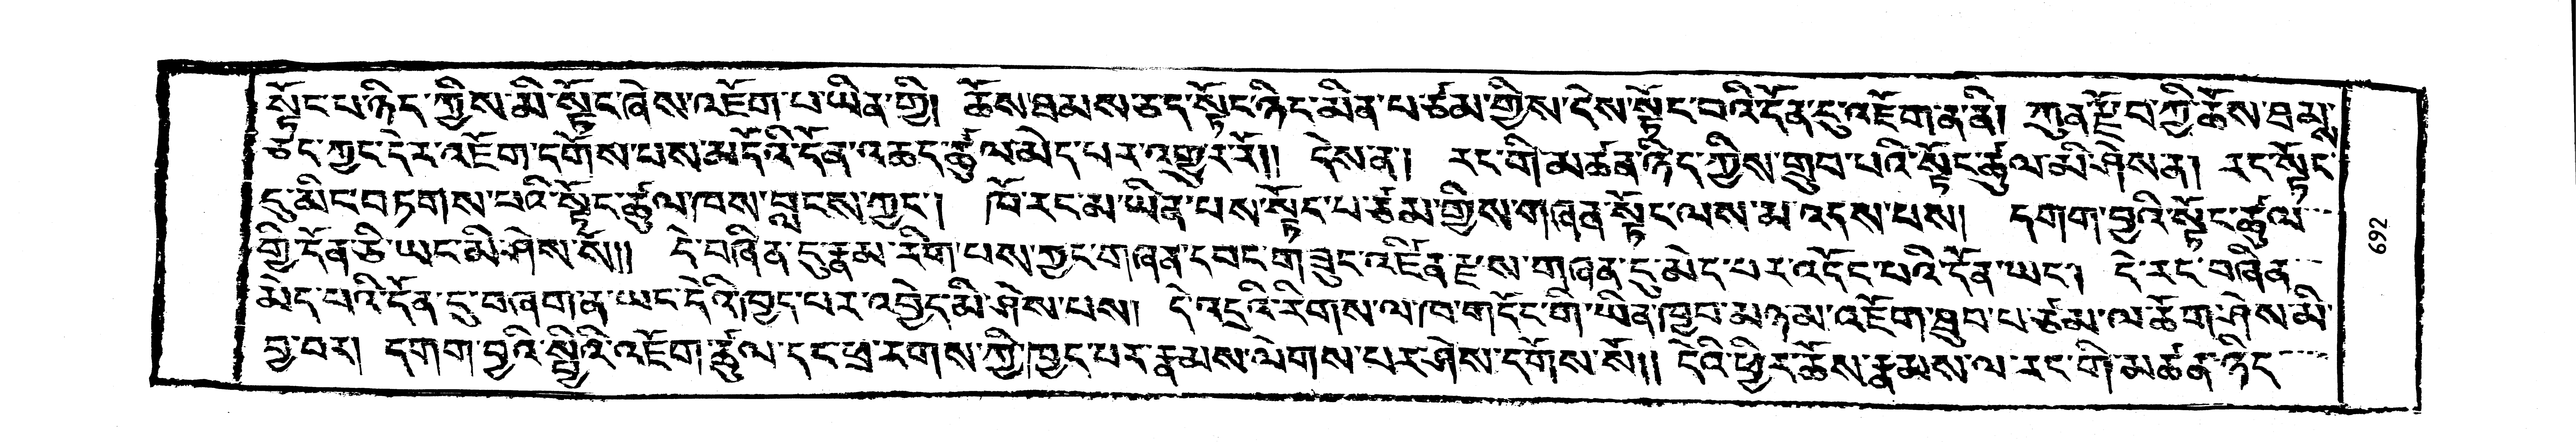སྟོང་པ་ཉིད་ཀྱིས་མི་སྟོང་ཞེས་འཇོག་པ་ཡིན་གྱི། ཆོས་ཐམས་ཅད་སྟོང་ཉིད་མིན་པ་ཙམ་གྱིས་དེས་སྟོང་པའི་དོན་དུ་འཇོག་ན་ནི། ཀུན་རྫོབ་ཀྱི་ཆོས་ཐམས་
ཅད་ཀྱང་དེར་འཇོག་དགོས་པས་མདོའི་དོན་འཆད་ཚུལ་མེད་པར་འགྱུར་རོ།། དེས་ན། རང་གི་མཚན་ཉིད་ཀྱིས་གྲུབ་པའི་སྟོང་ཚུལ་མི་ཤེས་ན། རང་སྟོང་
དུ་མིང་བཏགས་པའི་སྟོང་ཚུལ་ཁས་བླངས་ཀྱང་། ཁོ་རང་མ་ཡིན་པས་སྟོང་པ་ཙམ་གྱིས་གཞན་སྟོང་ལས་མ་འདས་པས། དགག་བྱའི་སྟོང་ཚུལ་
གྱི་དོན་ཅི་ཡང་མི་ཤེས་སོ།། དེ་བཞིན་དུ་རྣམ་རིག་པས་ཀྱང་གཞན་དབང་གཟུང་འཛིན་རྫས་གཞན་དུ་མེད་པར་འདོད་པའི་དོན་ཡང་། དེ་རང་བཞིན་
མེད་པའི་དོན་དུ་བཞག་ན་ཡང་དེའི་ཁྱད་པར་འབྱེད་མི་ཤེས་པས། དེ་འདྲའི་རིགས་ལ་ཁ་གདོང་གི་ཡིན་ཁྱབ་མཉམ་འཇོག་ཐུབ་པ་ཙམ་ལ་ཆོག་ཤེས་མི་
བྱ་བར། དགག་བྱའི་སྤྱིའི་འཇོག་ཚུལ་དང་ཕྲ་རགས་ཀྱི་ཁྱད་པར་རྣམས་ལེགས་པར་ཤེས་དགོས་སོ།། དེའི་ཕྱིར་ཆོས་རྣམས་ལ་རང་གི་མཚན་ཉིད་